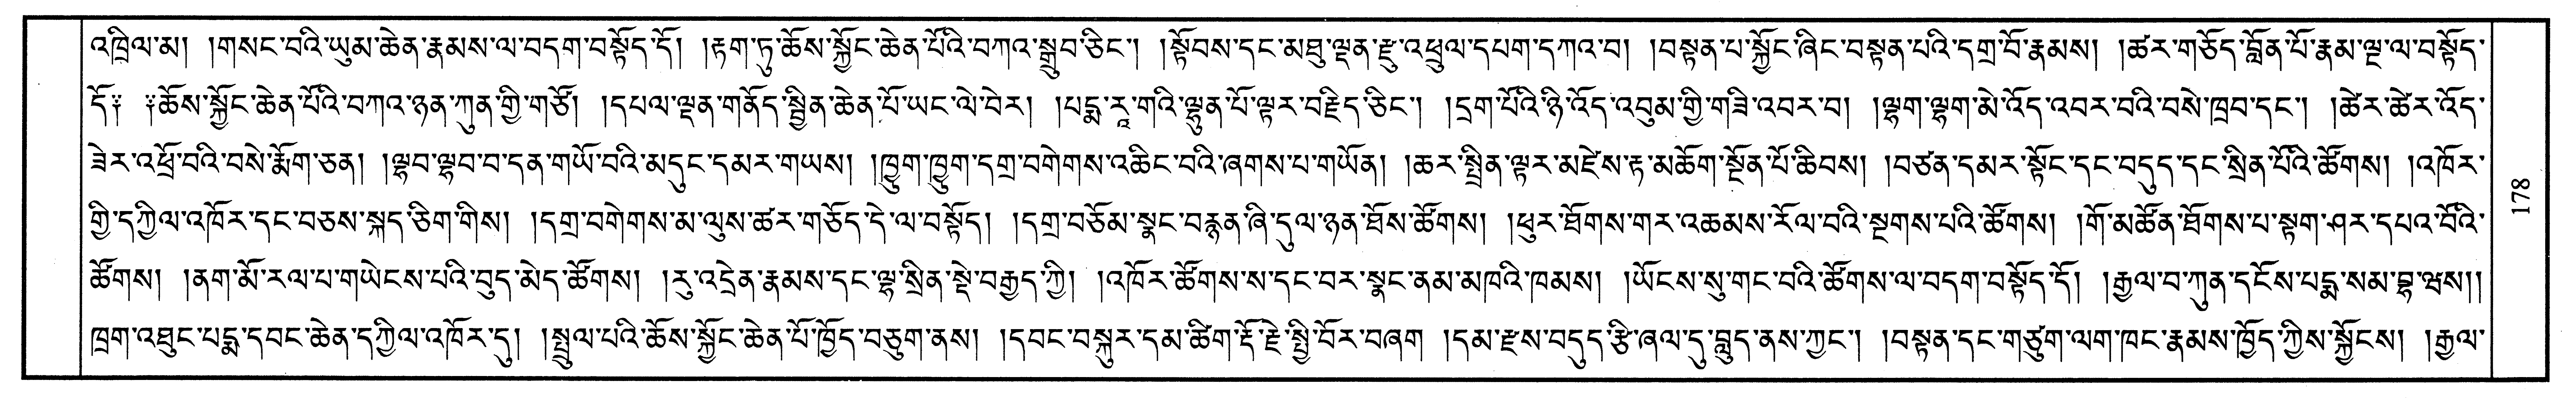འཁྲིལ་མ། །གསང་བའི་ཡུམ་ཆེན་རྣམས་ལ་བདག་བསྟོད་དོ། །རྟག་ཏུ་ཆོས་སྐྱོང་ཆེན་པོའི་བཀའ་སྒྲུབ་ཅིང་། །སྟོབས་དང་མཐུ་ལྡན་རྫུ་འཕྲུལ་དཔག་དཀའ་བ། །བསྟན་པ་སྐྱོང་ཞིང་བསྟན་པའི་དགྲ་བོ་རྣམས། །ཚར་གཅོད་བློན་པོ་རྣམ་ལྔ་ལ་བསྟོད་
དོ༑ ༑ཆོས་སྐྱོང་ཆེན་པོའི་བཀའ་ཉན་ཀུན་གྱི་གཙོ། །དཔལ་ལྡན་གནོད་སྦྱིན་ཆེན་པོ་ཡང་ལེ་བེར། །པདམ་རཱ་གའི་ལྷུན་པོ་ལྟར་བརྗིད་ཅིང་། །དྲག་པོའི་ཉི་འོད་འབུམ་གྱི་གཟི་འབར་བ། །ལྷག་ལྷག་མེ་འོད་འབར་བའི་བསེ་ཁྲབ་དང་། །ཚེར་ཚེར་འོད་
ཟེར་འཕྲོ་བའི་བསེ་རྨོག་ཅན། །ལྷབ་ལྷབ་བ་དན་གཡོ་བའི་མདུང་དམར་གཡས། །ཁྱུག་ཁྱུག་དགྲ་བགེགས་འཆིང་བའི་ཞགས་པ་གཡོན། །ཆར་སྤྲིན་ལྟར་མཛེས་རྟ་མཆོག་སྔོན་པོ་ཆིབས། །བཙན་དམར་སྟོང་དང་བདུད་དང་སྲིན་པོའི་ཚོགས། །འཁོར་
གྱི་དཀྱིལ་འཁོར་དང་བཅས་སྐད་ཅིག་གིས། །དགྲ་བགེགས་མ་ལུས་ཚར་གཅོད་དེ་ལ་བསྟོད། །དགྲ་བཅོམ་སྣང་བརྙན་ཞི་དུལ་ཉན་ཐོས་ཚོགས། །ཕུར་ཐོགས་གར་འཆམས་རོལ་བའི་སྔགས་པའི་ཚོགས། །གོ་མཚོན་ཐོགས་པ་སྟག་ཤར་དཔའ་བོའི་
ཚོགས། །ནག་མོ་རལ་པ་གཡེངས་པའི་བུད་མེད་ཚོགས། །རུ་འདྲེན་རྣམས་དང་ལྷ་སྲིན་སྡེ་བརྒྱད་ཀྱི། །འཁོར་ཚོགས་ས་དང་བར་སྣང་ནམ་མཁའི་ཁམས། །ཡོངས་སུ་གང་བའི་ཚོགས་ལ་བདག་བསྟོད་དོ། །རྒྱལ་བ་ཀུན་དངོས་པདམ་སམ་བྷ་ཝས།།
ཁྲག་འཐུང་པདམ་དབང་ཆེན་དཀྱིལ་འཁོར་དུ། །སྤྲུལ་པའི་ཆོས་སྐྱོང་ཆེན་པོ་ཁྱོད་བཅུག་ནས། །དབང་བསྐུར་དམ་ཚིག་རྡོ་རྗེ་སྤྱི་བོར་བཞག །དམ་རྫས་བདུད་རྩི་ཞལ་དུ་བླུད་ནས་ཀྱང་། །བསྟན་དང་གཙུག་ལག་ཁང་རྣམས་ཁྱོད་ཀྱིས་སྐྱོངས། །རྒྱལ་